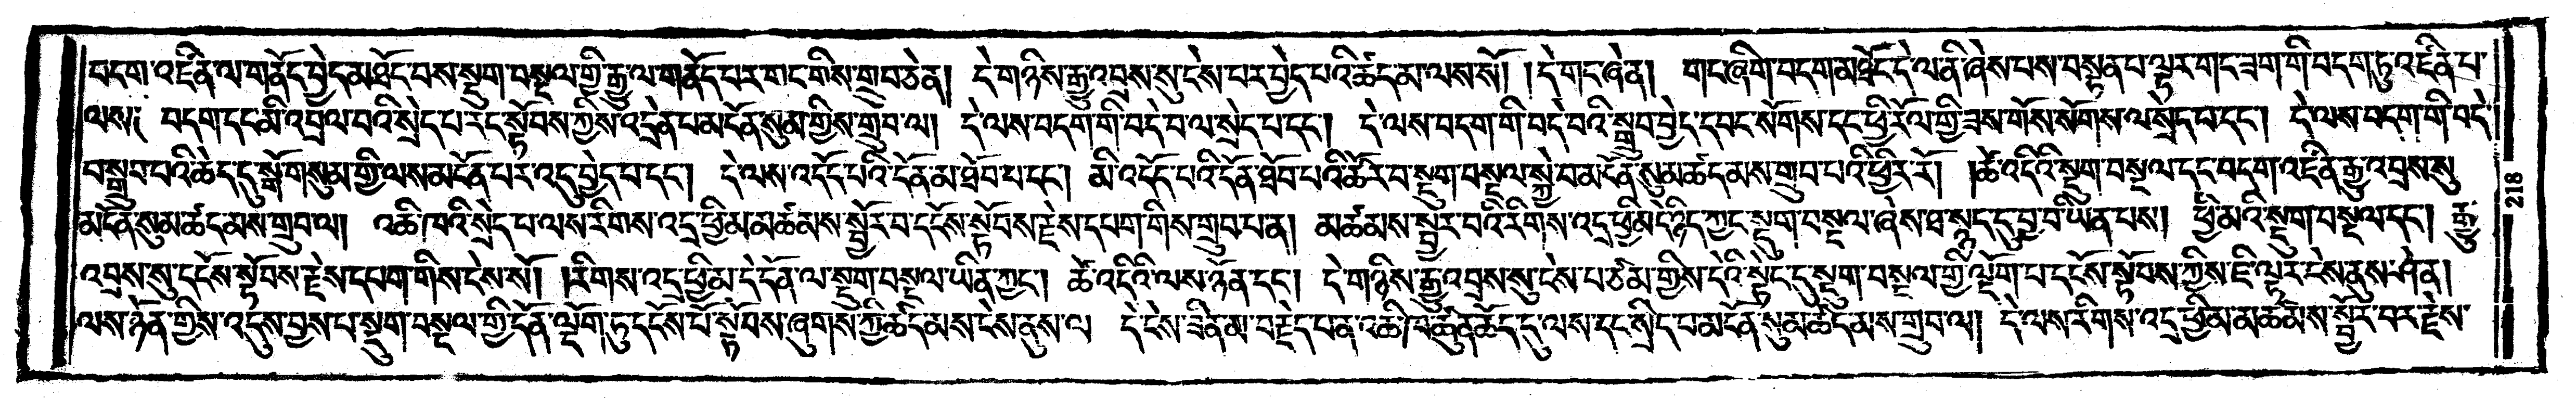བདག་འཛིན་ལ་གནོད་བྱེད་མཐོང་བས་སྡུག་བསྔལ་གྱི་རྒྱུ་ལ་གནོད་པར་གང་གིས་གྲུབ་ཅེ་ན། དེ་གཉིས་རྒྱུ་འབྲས་སུ་ངེས་པར་བྱེད་པའི་ཚད་མ་ལས་སོ། །དེ་གང་ཞེ་ན། གང་ཞིག་བདག་མཐོང་དེ་ལ་ནི་ཞེས་པས་བསྟན་པ་ལྟར་གང་ཟག་གི་བདག་ཏུ་འཛིན་པ་
ལས། བདག་དང་མི་འབྲལ་བའི་སྲེད་པ་རང་སྟོབས་ཀྱིས་འདྲེན་པ་མངོན་སུམ་གྱིས་གྲུབ་ལ། དེ་ལས་བདག་གི་བདེ་བ་ལ་སྲེད་པ་དང་། དེ་ལས་བདག་གི་བདེ་བའི་སྒྲུབ་བྱེད་དབང་སོགས་དང་ཕྱི་རོལ་གྱི་ཟས་གོས་སོགས་ལ་སྲེད་པ་དང་། དེ་ལས་བདག་གི་བདེ་
བསྒྲུབ་པའི་ཆེད་དུ་སྒོ་གསུམ་གྱི་ལས་མངོན་པར་འདུ་བྱེད་པ་དང་། དེ་ལས་འདོད་པའི་དོན་མ་ཐོབ་པ་དང་། མི་འདོད་པའི་དོན་ཐོབ་པའི་ཚོར་བ་སྡུག་བསྔལ་སྐྱེ་བ་མངོན་སུམ་ཚད་མས་གྲུབ་པའི་ཕྱིར་རོ། །ཚེ་འདིའི་སྡུག་བསྔལ་དང་བདག་འཛིན་རྒྱུ་འབྲས་སུ་
མངོན་སུམ་ཚད་མས་གྲུབ་ལ། འཆི་ཁའི་སྲེད་པ་ལས་རིགས་འདྲ་ཕྱི་མ་མཚམས་སྦྱོར་བ་དངོས་སྟོབས་རྗེས་དཔག་གིས་གྲུབ་པ་ན། མཚམས་སྦྱར་བའི་རིགས་འདྲ་ཕྱི་མ་དེ་ཉིད་ཀྱང་སྡུག་བསྔལ་ཞེས་ཐ་སྙད་དུ་བྱ་བ་ཡིན་པས། ཕྱི་མའི་སྡུག་བསྔལ་དང་། རྒྱུ་
འབྲས་སུ་དངོས་སྟོབས་རྗེས་དཔག་གིས་ངེས་སོ། །རིགས་འདྲ་ཕྱི་མ་དེ་དོན་ལ་སྡུག་བསྔལ་ཡིན་ཀྱང་། ཚེ་འདིའི་ལས་ཉོན་དང་། དེ་གཉིས་རྒྱུ་འབྲས་སུ་ངེས་པ་ཙམ་གྱིས་དེའི་སྟེང་དུ་སྡུག་བསྔལ་གྱི་ལྡོག་པ་དངོས་སྟོབས་ཀྱིས་ཇི་ལྟར་ངེས་ནུས་ཤེ་ན།
ལས་ཉོན་གྱིས་འདུས་བྱས་པ་སྡུག་བསྔལ་གྱི་དོན་ལྡོག་ཏུ་དངོས་པོ་སྟོབས་ཞུགས་ཀྱི་ཚད་མས་ངེས་ནུས་ལ། དེ་ངེས་ཟིན་མ་བརྗེད་པ་ན་འཆི་ཁ་ཚུན་ཆོད་དུ་ལས་དང་སྲིད་པ་མངོན་སུམ་ཚད་མས་གྲུབ་ལ། དེ་ལས་རིགས་འདྲ་ཕྱི་མ་མཚམས་སྦྱོར་བར་རྗེས་